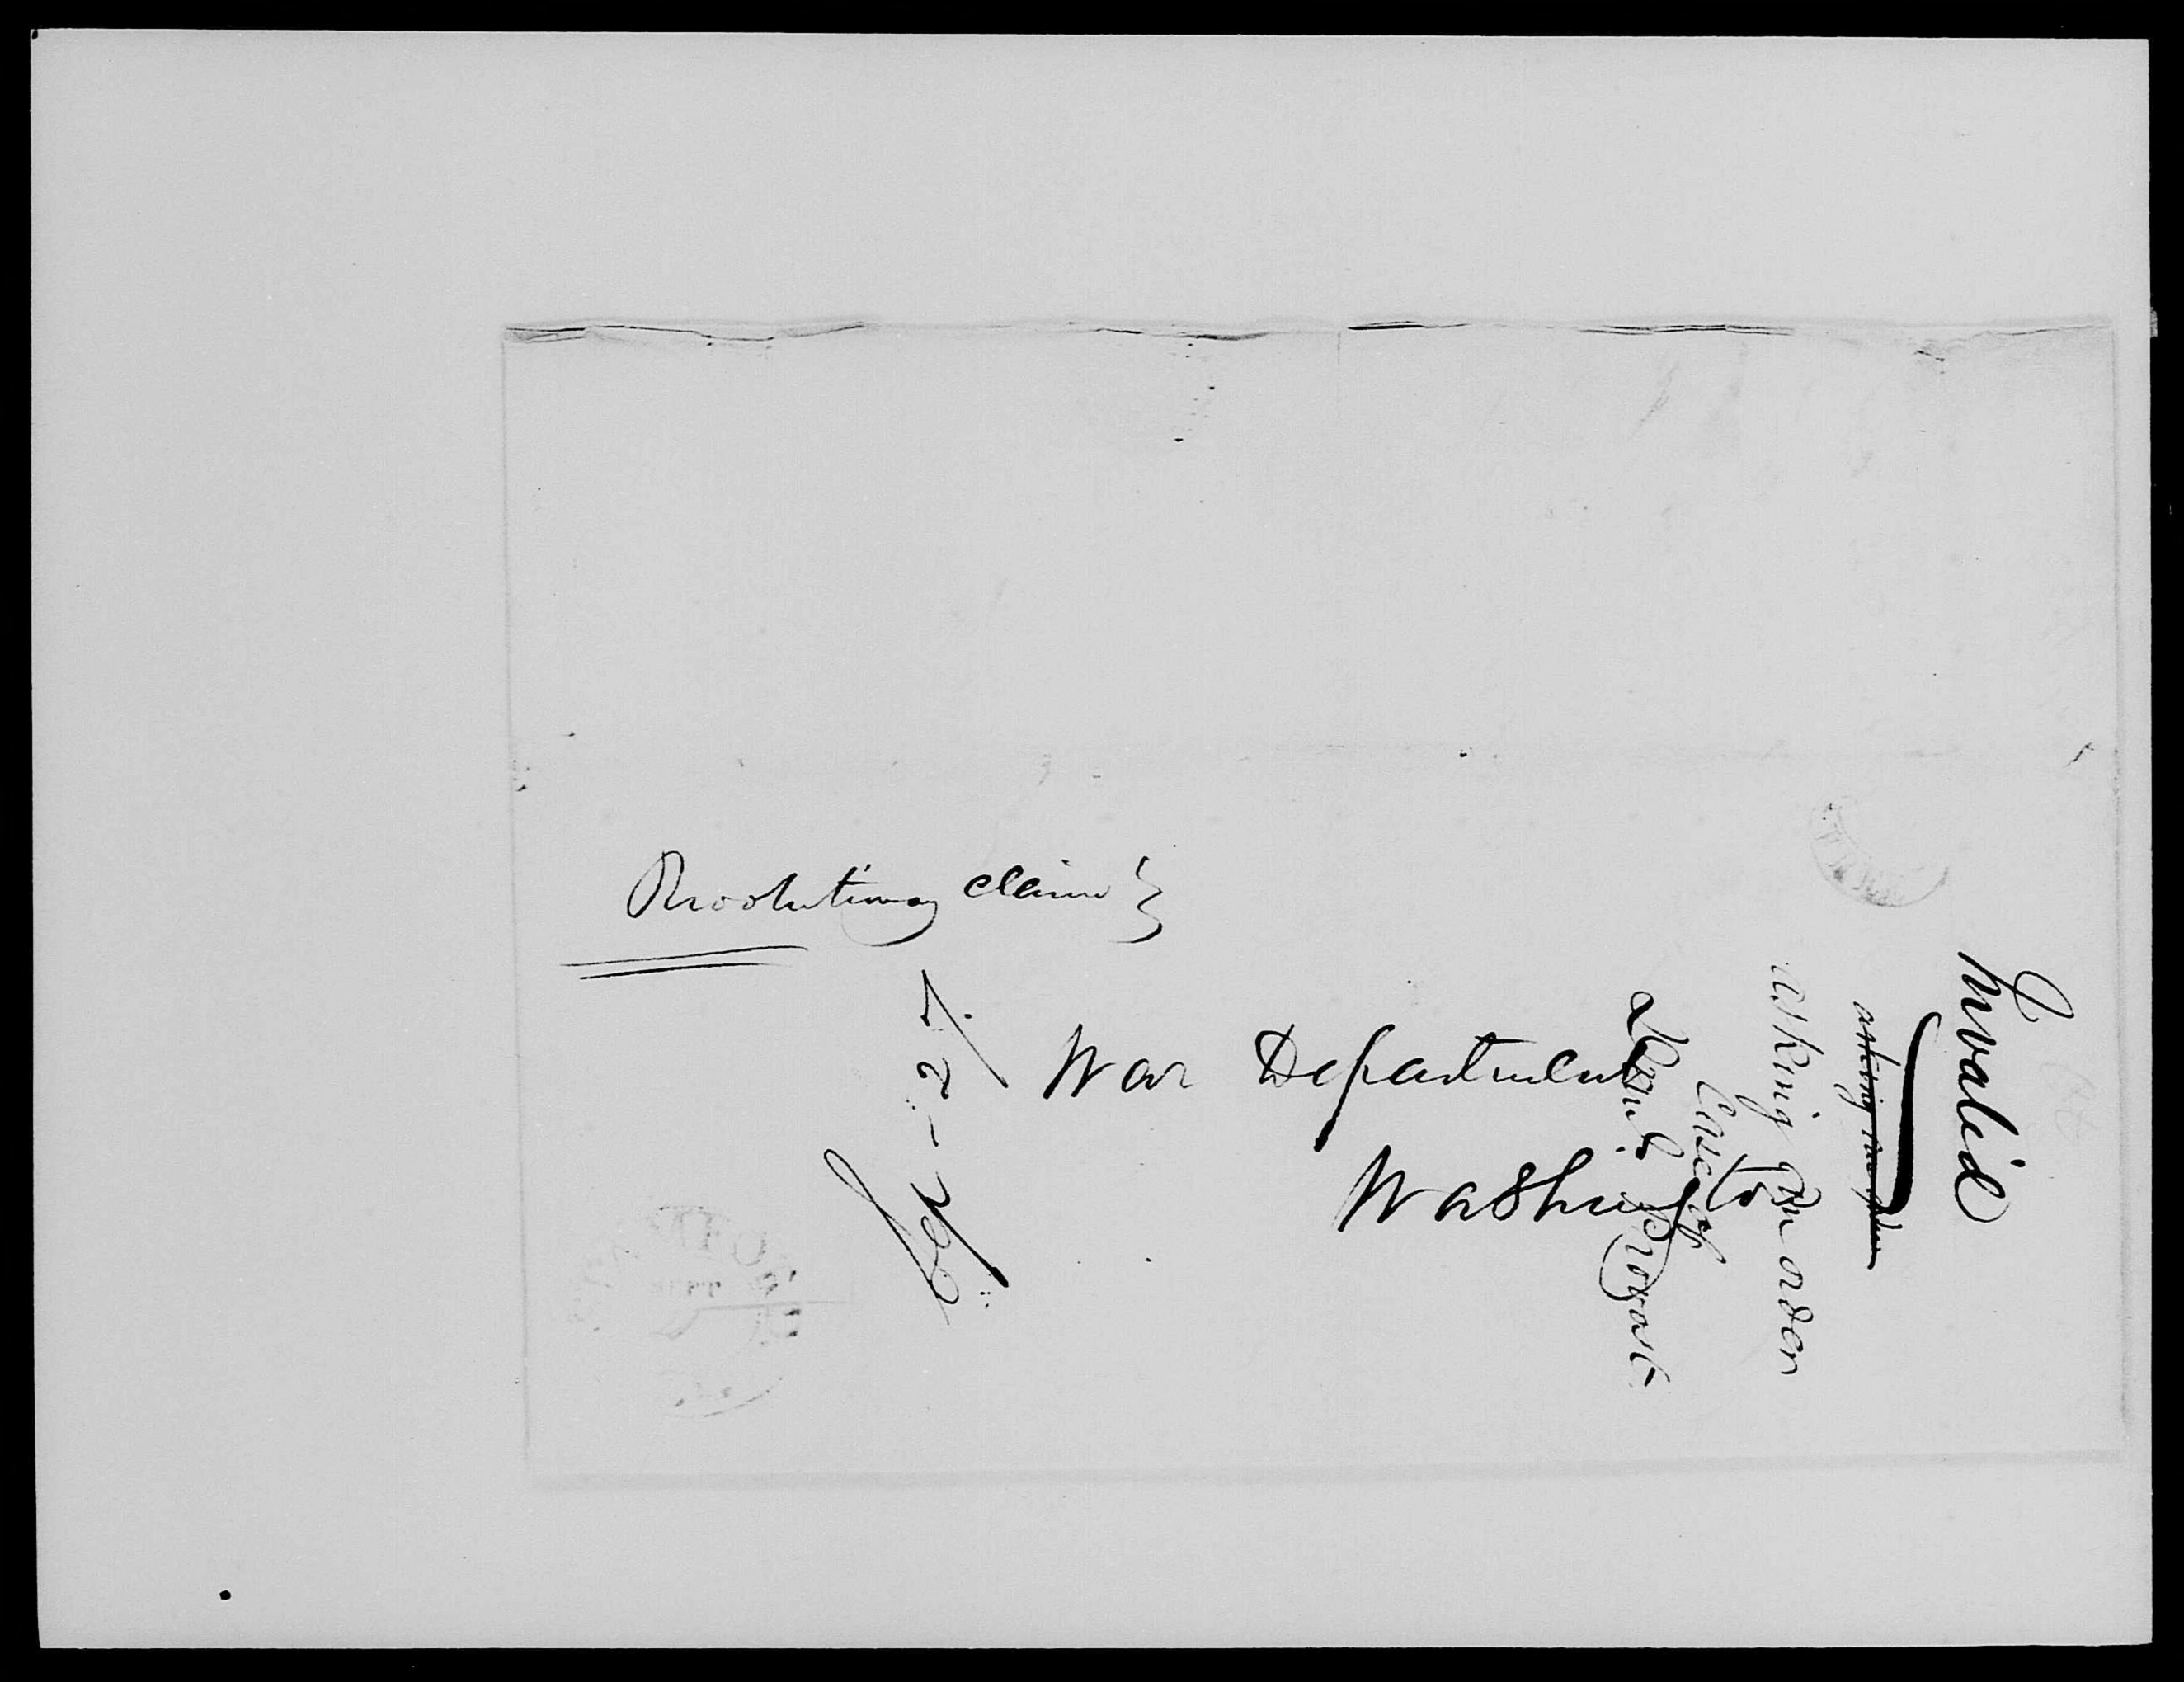Revolutionary claims
War Department
Washington
Sep 27
Invalid
asking on order
case of Danl Provost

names: Danl Provost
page: 22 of 24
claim: survivor's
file: S. 20,926, for Daniel Provost, Connecticut